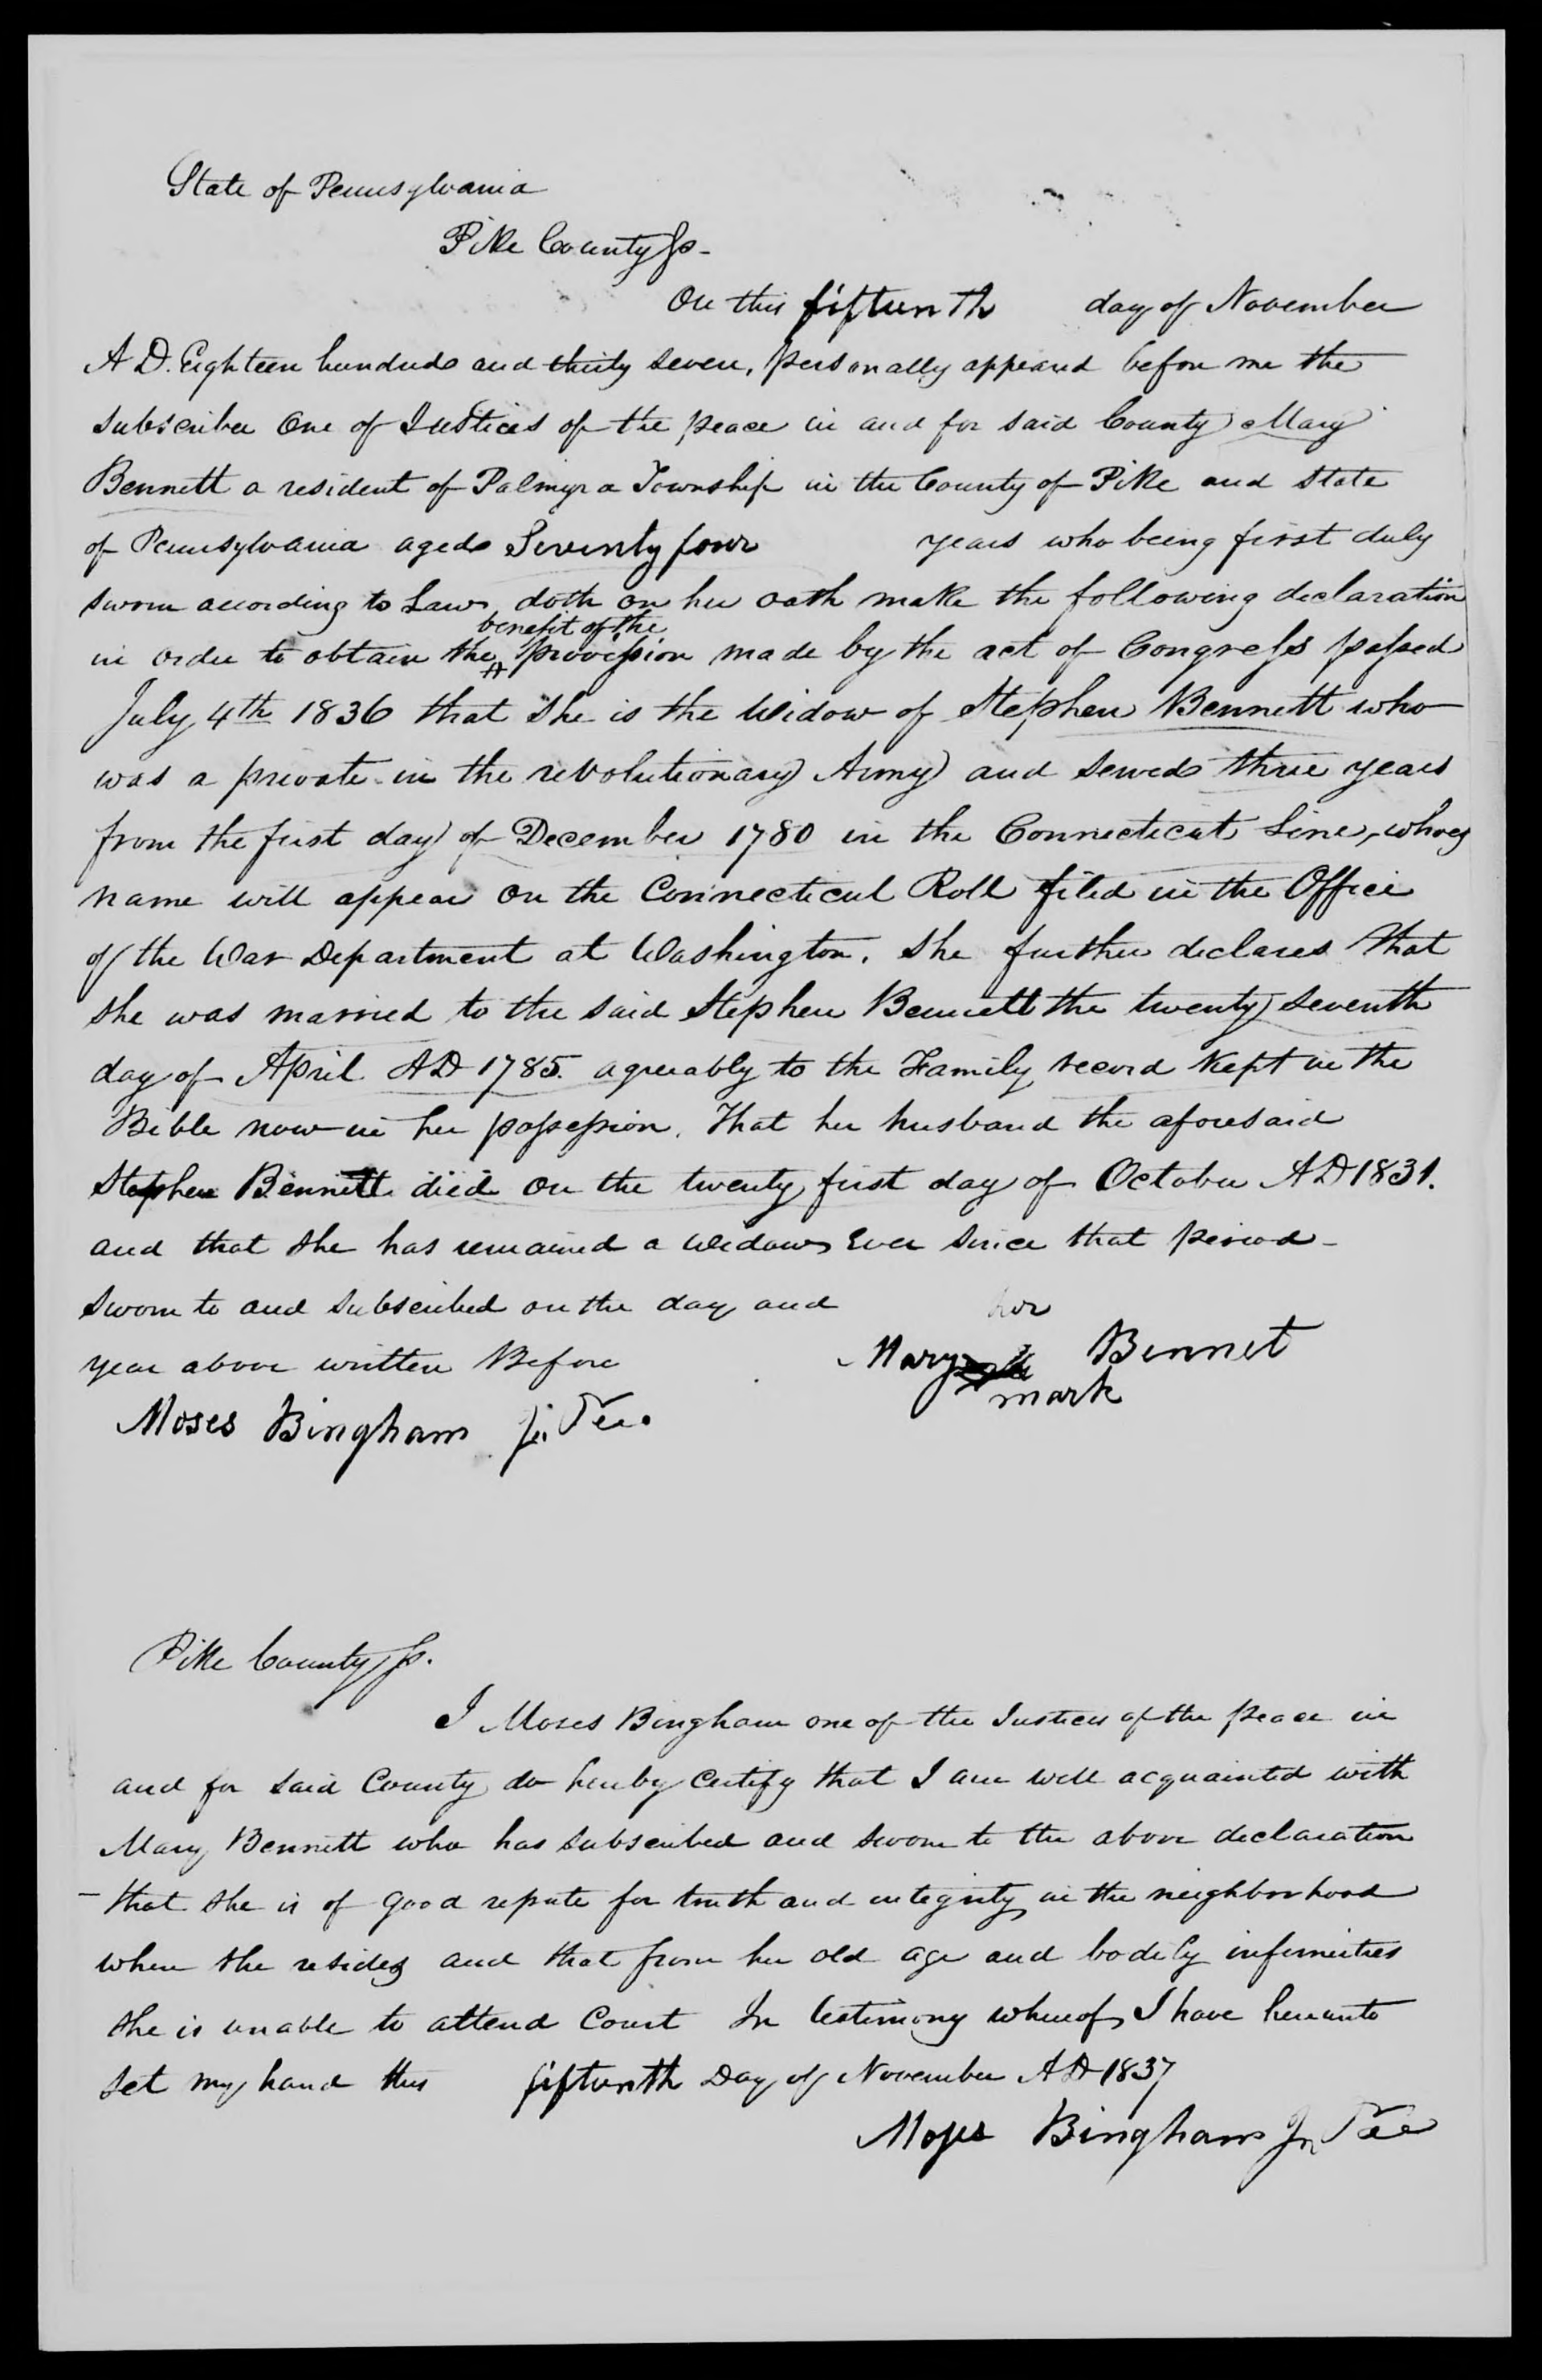State of Pennsylvania
Pike County ss
On this fifteenth day of November AD. Eighteen hundred and thirty seven, personally appeared before me the subscriber one of Justices of the peace in and for said County a Mary Bennett a resident of Palmyra Township in the County of Pike and State of Pennsylvania aged Seventy four years who being first duly sworn according to Law doth on her oath make the following declaration in order to obtain benefit of the provision made by the act of Congress passed July 4th 1836 that she is the widow of Stephen Bennett who was a private in the revolutionary Army and served three years from the first day of December 1780 in the Connecticut Line, whose name will appear on the Connecticut Roll filed in the Office of the War Department at Washington. She further declares that she was married to the said Stephen Bennett the twenty seventh day of April AD 1785. agreeably to the Family record kept in the
Bible now in her possession. That her husband the aforesaid Stephen Bennett died on the twenty first day of October AD 1831. and that she has remained a widow ever since that period. Sworn to and subscribed on the day and year above written 
Moses Bingham J. Peace
Mary Bennet X {her mark}

Pike County ss
I Moses Bingham one of the Justices of the peace in and for said County do hereby certify that I am well acquainted with Mary Bennett who has subscribed and sworn to the above declaration that she is of good repute for truth and integrity in the neighborhood where she resides and that from her old age and bodily infirmities she is unable to attend Court.  In testimony whereof I have hereunto set my hand this fifteenth Day of November AD 1837

Moses Bingham J P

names: Moses Bingham, Stephen Bennett, Stephen Bennett, Stephen Bennett, Mary Bennett, Mary Bennet, Mary Bennett, Moses Bingham, Moses Bingham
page: 10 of 79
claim: widow's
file: W. 2,906, Stephen Bennet, Conn.